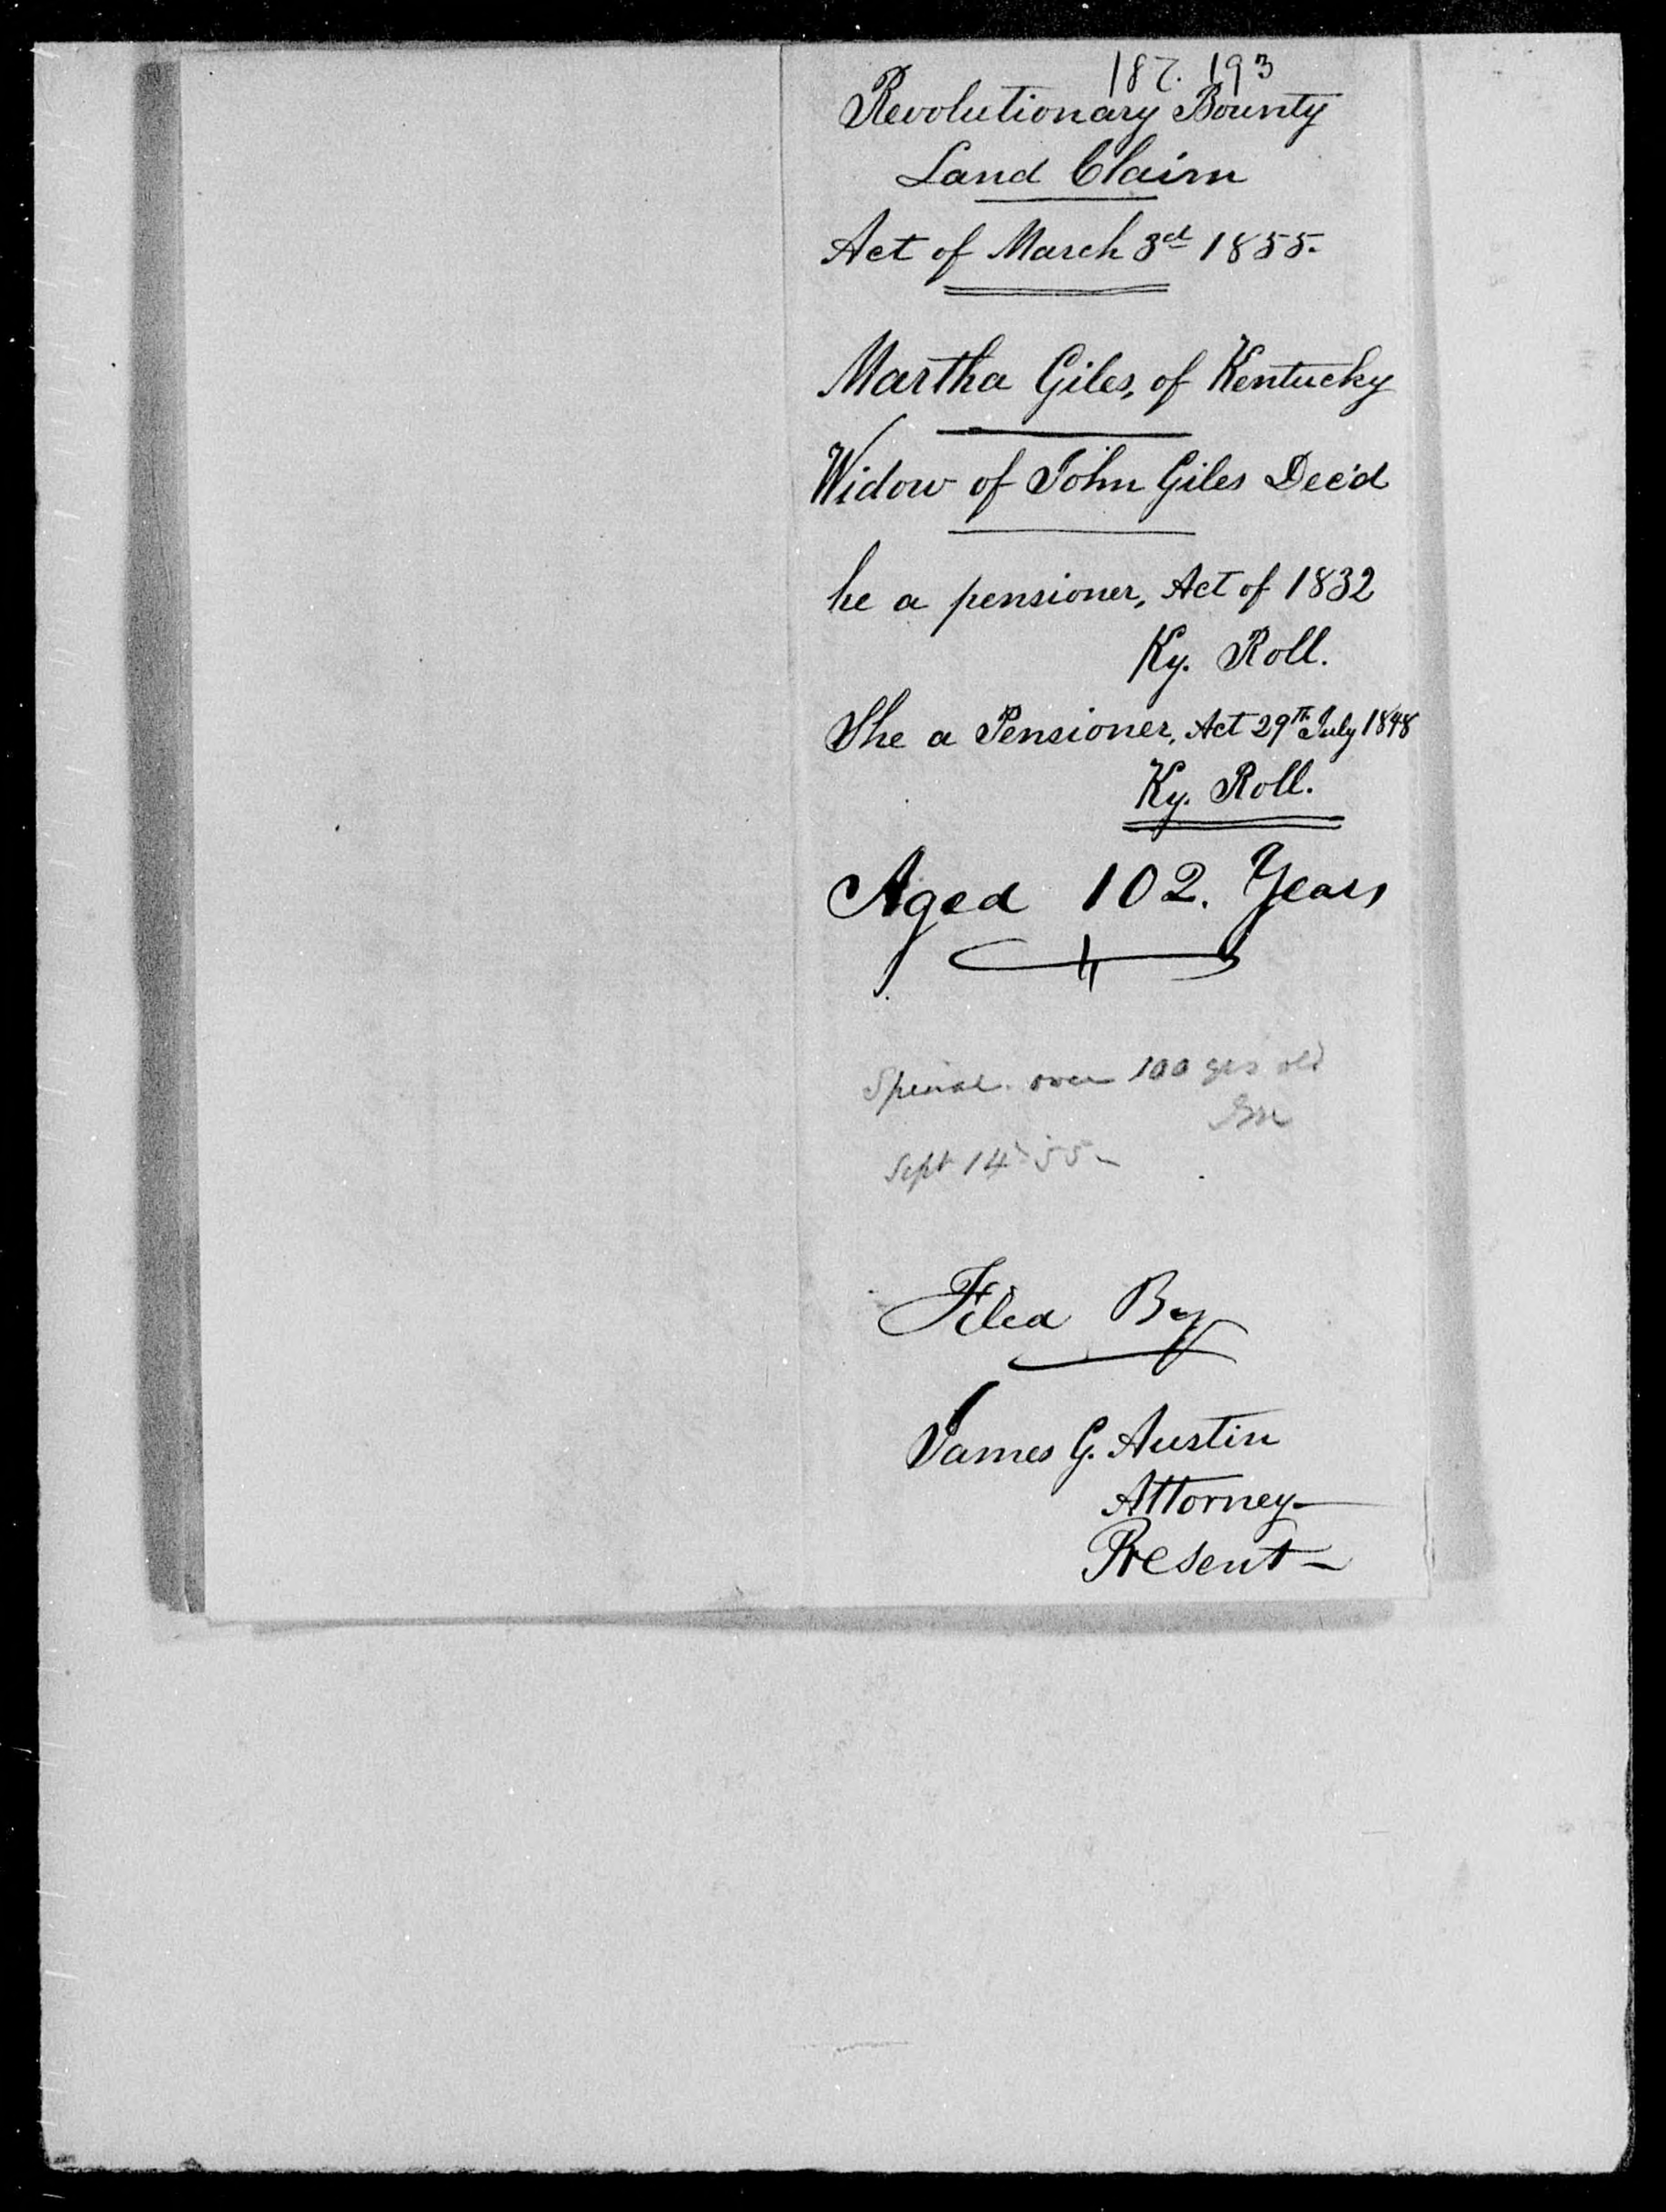187.193
Revolutionary Bounty
Land Claim
Act of March 3d 1855.
Martha Giles, of Kentucky
Widow of John Giles Dec'd
he a pensioner, Act of 1832
Ky. Roll.
She a pensioner,, Act 29th July 1848
Ky. Roll.
Aged 102 years

Special over 100 yrs old SM
Sept 14th 55

Filed by
James G. Austin Attorney Present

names: John Giles, Martha Giles, James G Austin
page: 16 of 82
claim: widow's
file: W. 7,522, John Giles, N.C.